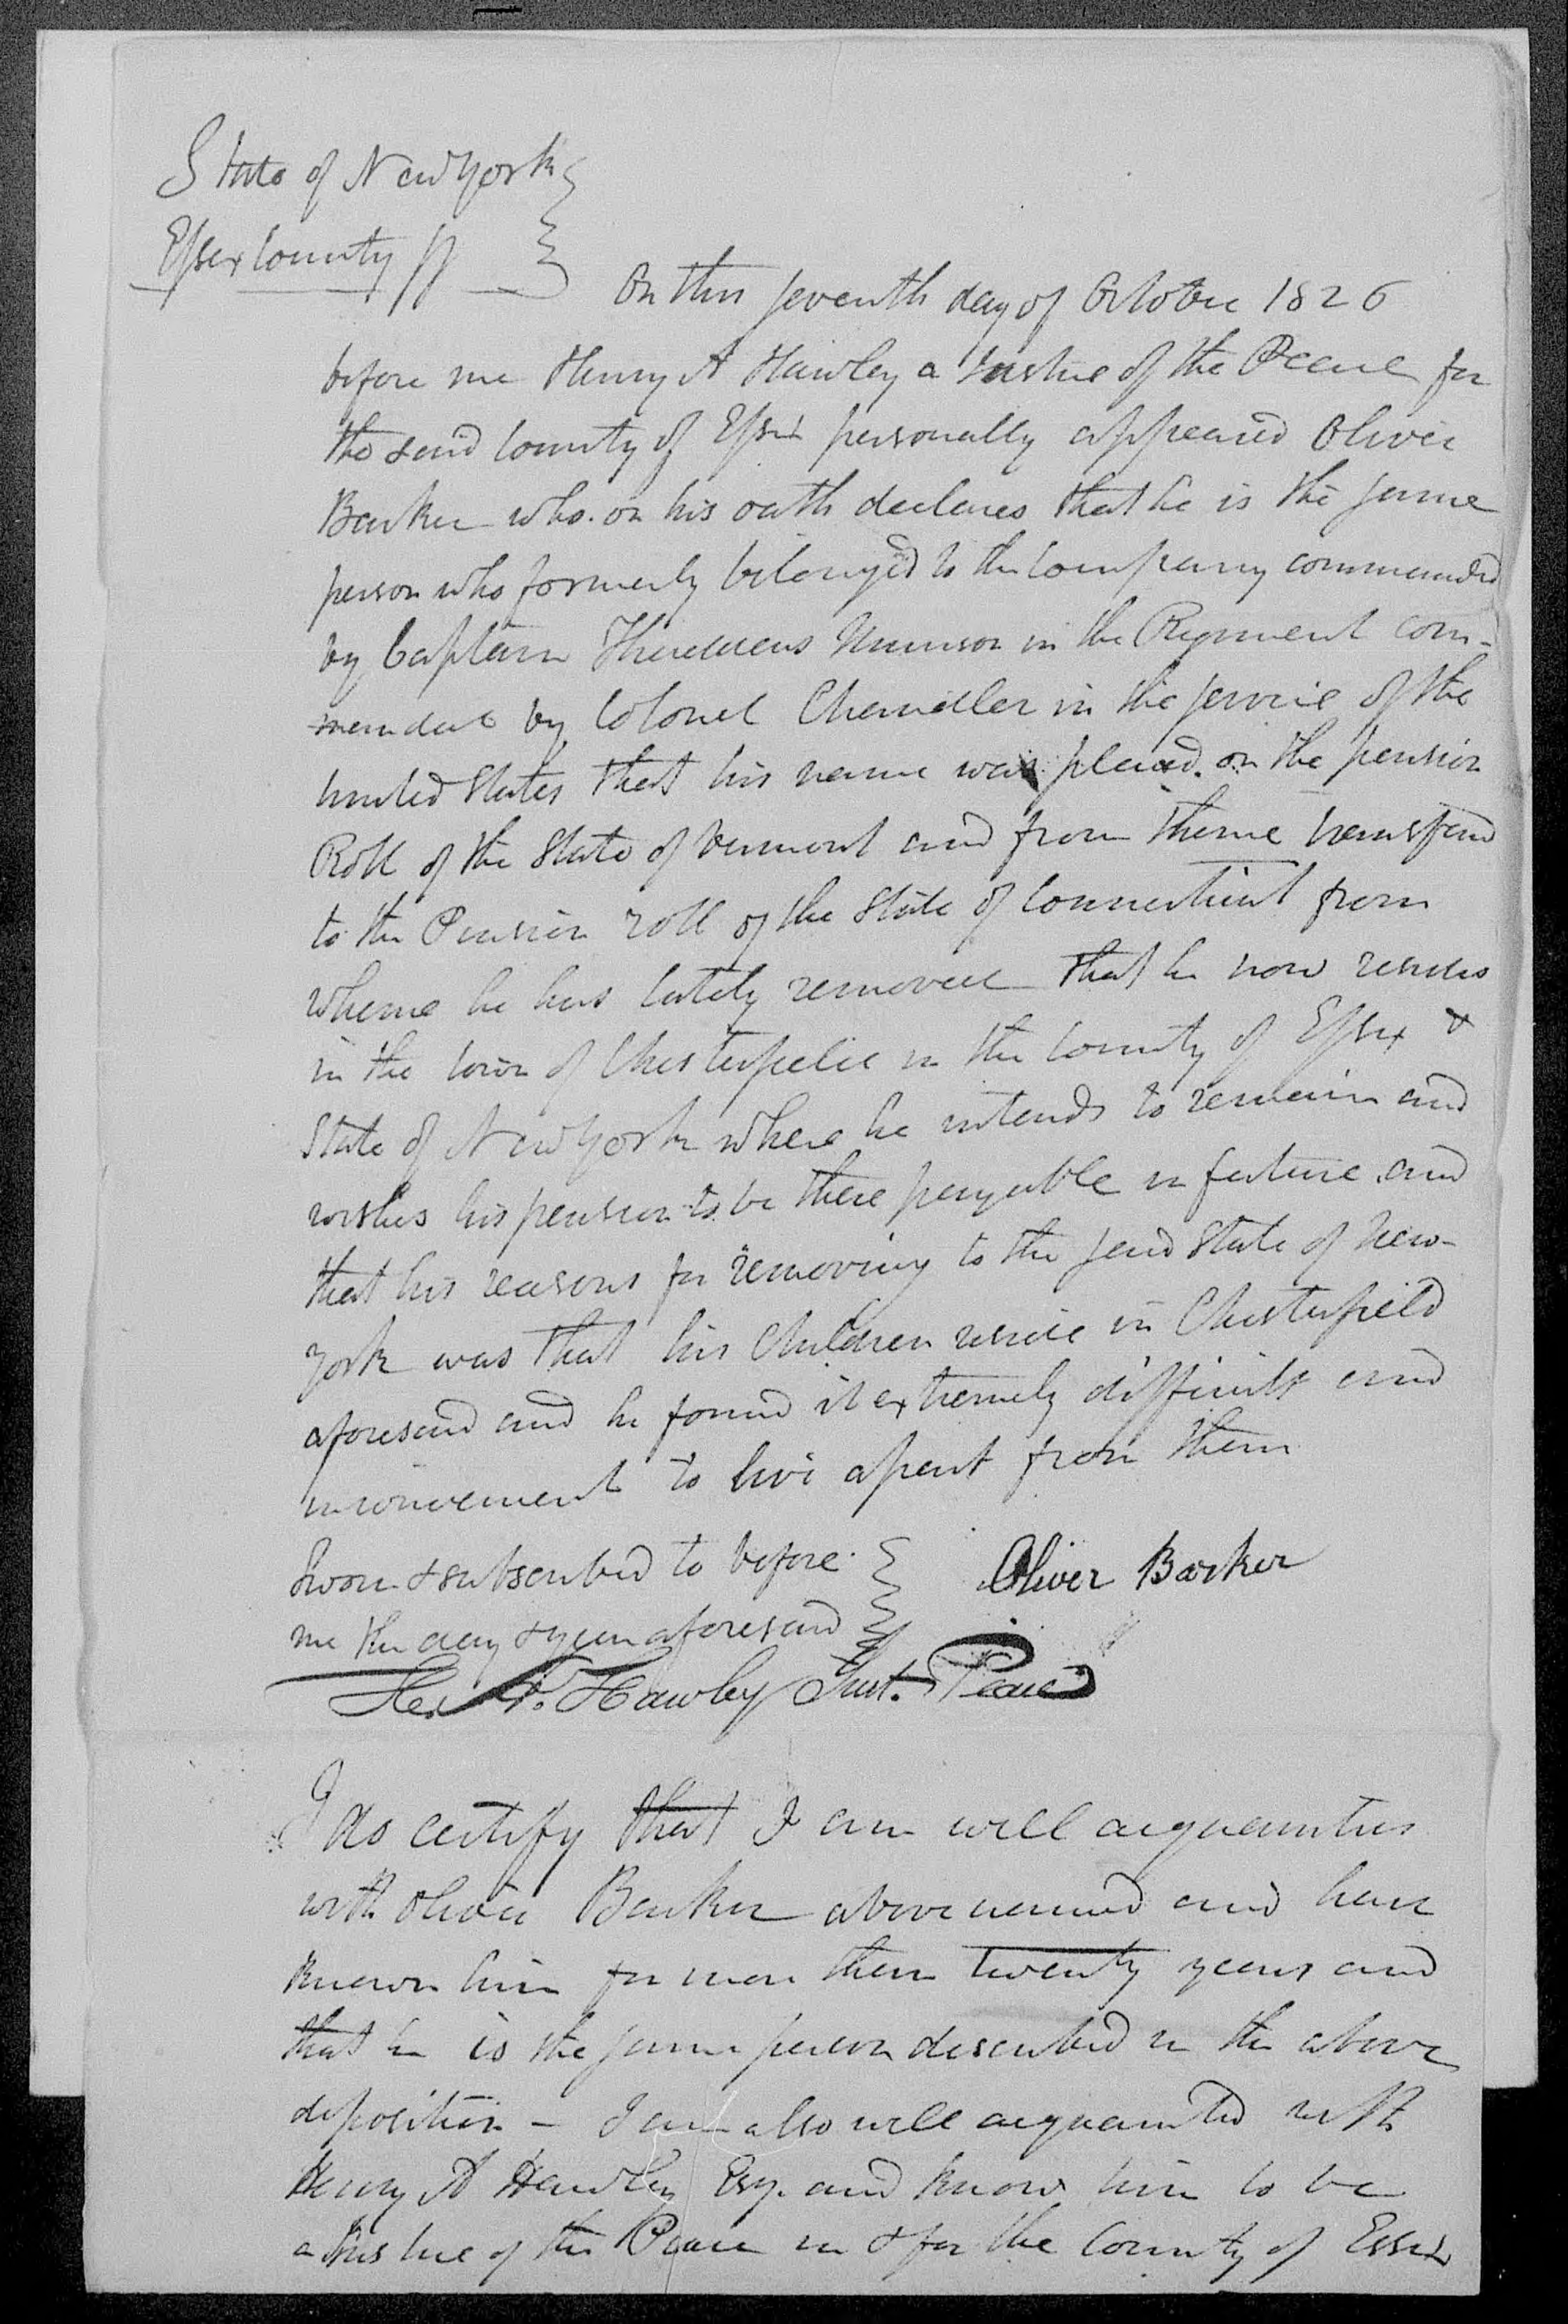State of New York 
Essex County Ss}  On this seventh day of October 1826 before me Henry A Hawley a Justice of the Peace for the said County of Essex personally appeared Oliver Barker who on his oath declares that he is the same person who formerly belonged to the company commanded by Captain Thaddeus Munson in the Regiment commanded by Colonel Chandler in the service of the United States that his name was placed on the pension Roll of the State of Vermont and from there transferred to the Pension roll of the State of Connecticut from whence he has lately removed that he now while in the town of Chesterfield in the County of Ely & State of New York where he intends to remain and wishes his pension to be there payable in future, and that his reasons for removing to the said State of New York was that his children were in Chesterfield aforesaid and he found it extremely difficult and inconvenient to live apart from them 
Oliver Barker
Sworn & subscribed to before  me the day & year aforesaid . 
H. A. Hawley Just. Peace 
I do certify that I am well acquainted with Oliver Barker above named and have known him for man the twenty years and that he is the same person described in the above deposition. I am also well acquainted with Henry A Hawley Esq. and know him to be a Justice of the Peace in & for the County of Essex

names: Oliver Barker, Chandler, Henry A Hawley, Thaddeus Munson, Oliver Barker, Oliver Barker, H A Hawley, Henry A Hawley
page: 46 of 51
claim: widow's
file: W. 1698, Oliver Barker, Conn.